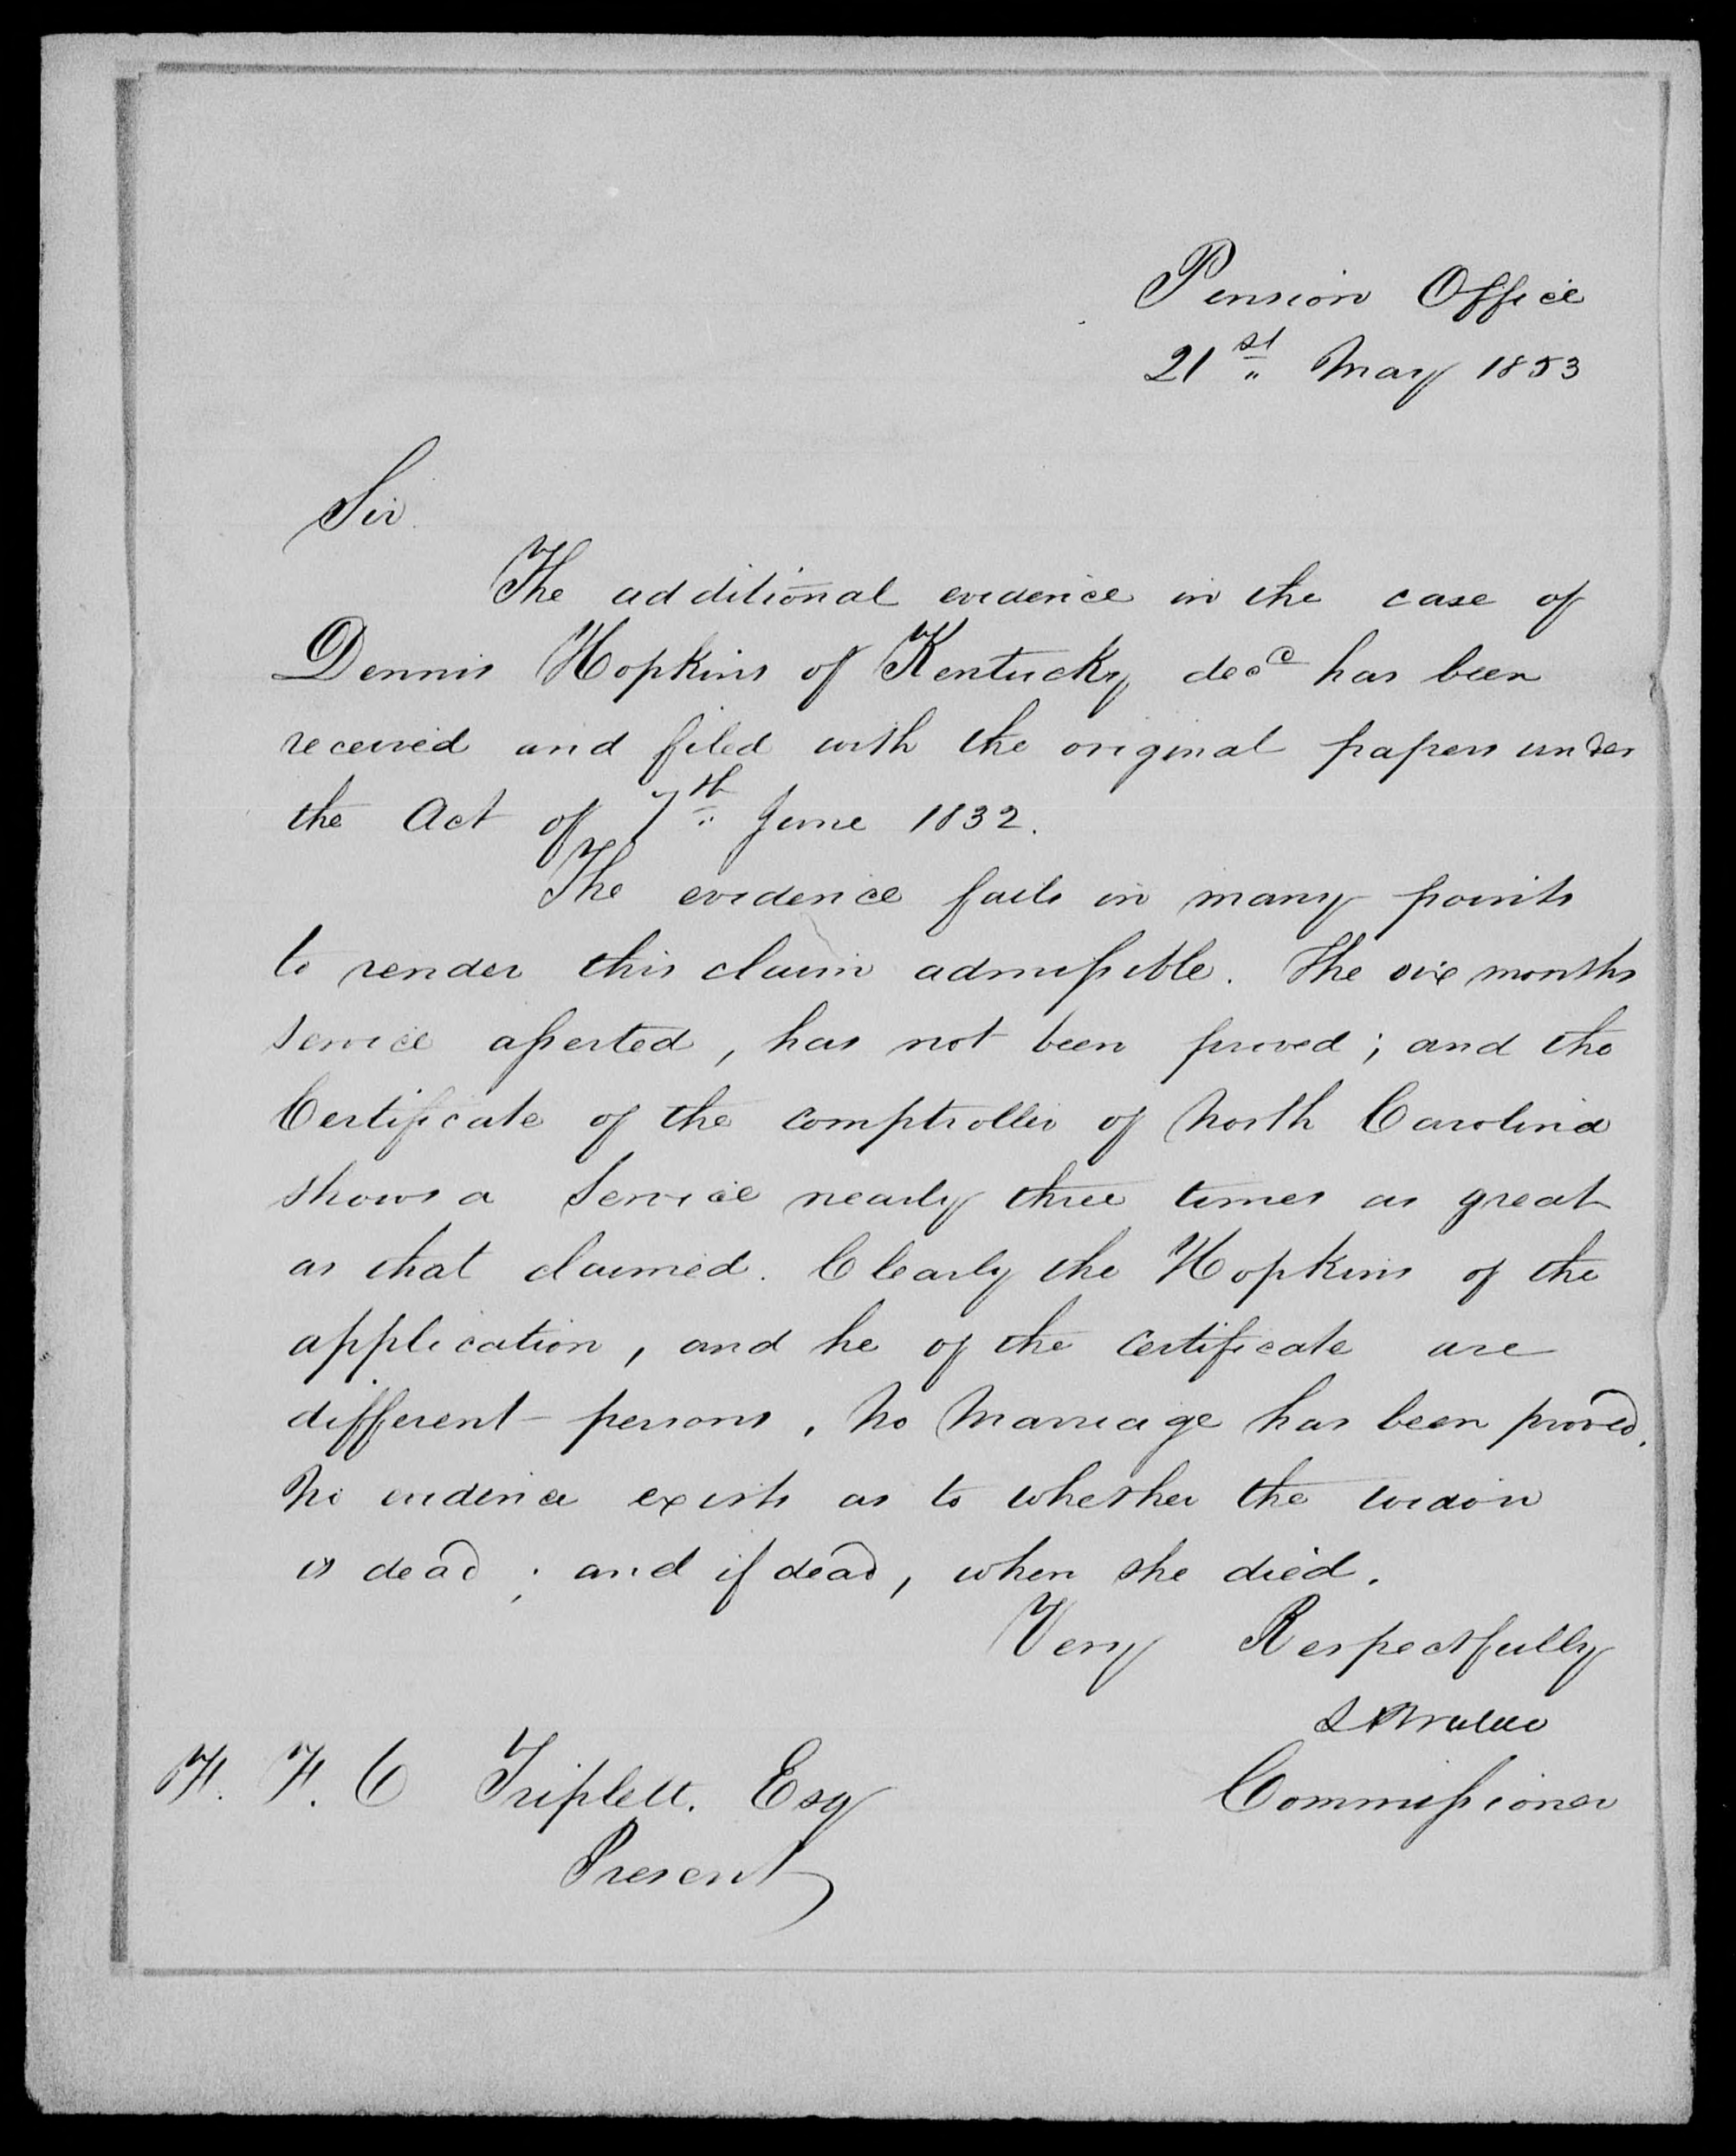Pension Office
21st May 1853

Sir
The additional evidence in the case of Dennis Hopkins of Kentucky do has been received and filed with the original papers under the act of 7th June 1832.

The evidence fails in many points to render this claim admissible. The six months service asserted, has not been proved; and the Certificate of the Comptroller of North Carolina shows a Service nearly three times as great as that claimed. Clearly the Hopkins of the application, and he of the certificate are different persons, no marriage has been proved. No evidence exist as to whether the widow is dead; and if dead, when she died.
Very Respectfully
LP Waldo
Commissioner

F.F.C. Triplett, Esq
Present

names: L P Waldo, Dennis Hopkins, F F C Triplett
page: 31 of 144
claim: rejected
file: R. 5208, Dennis Hopkins, N.C.